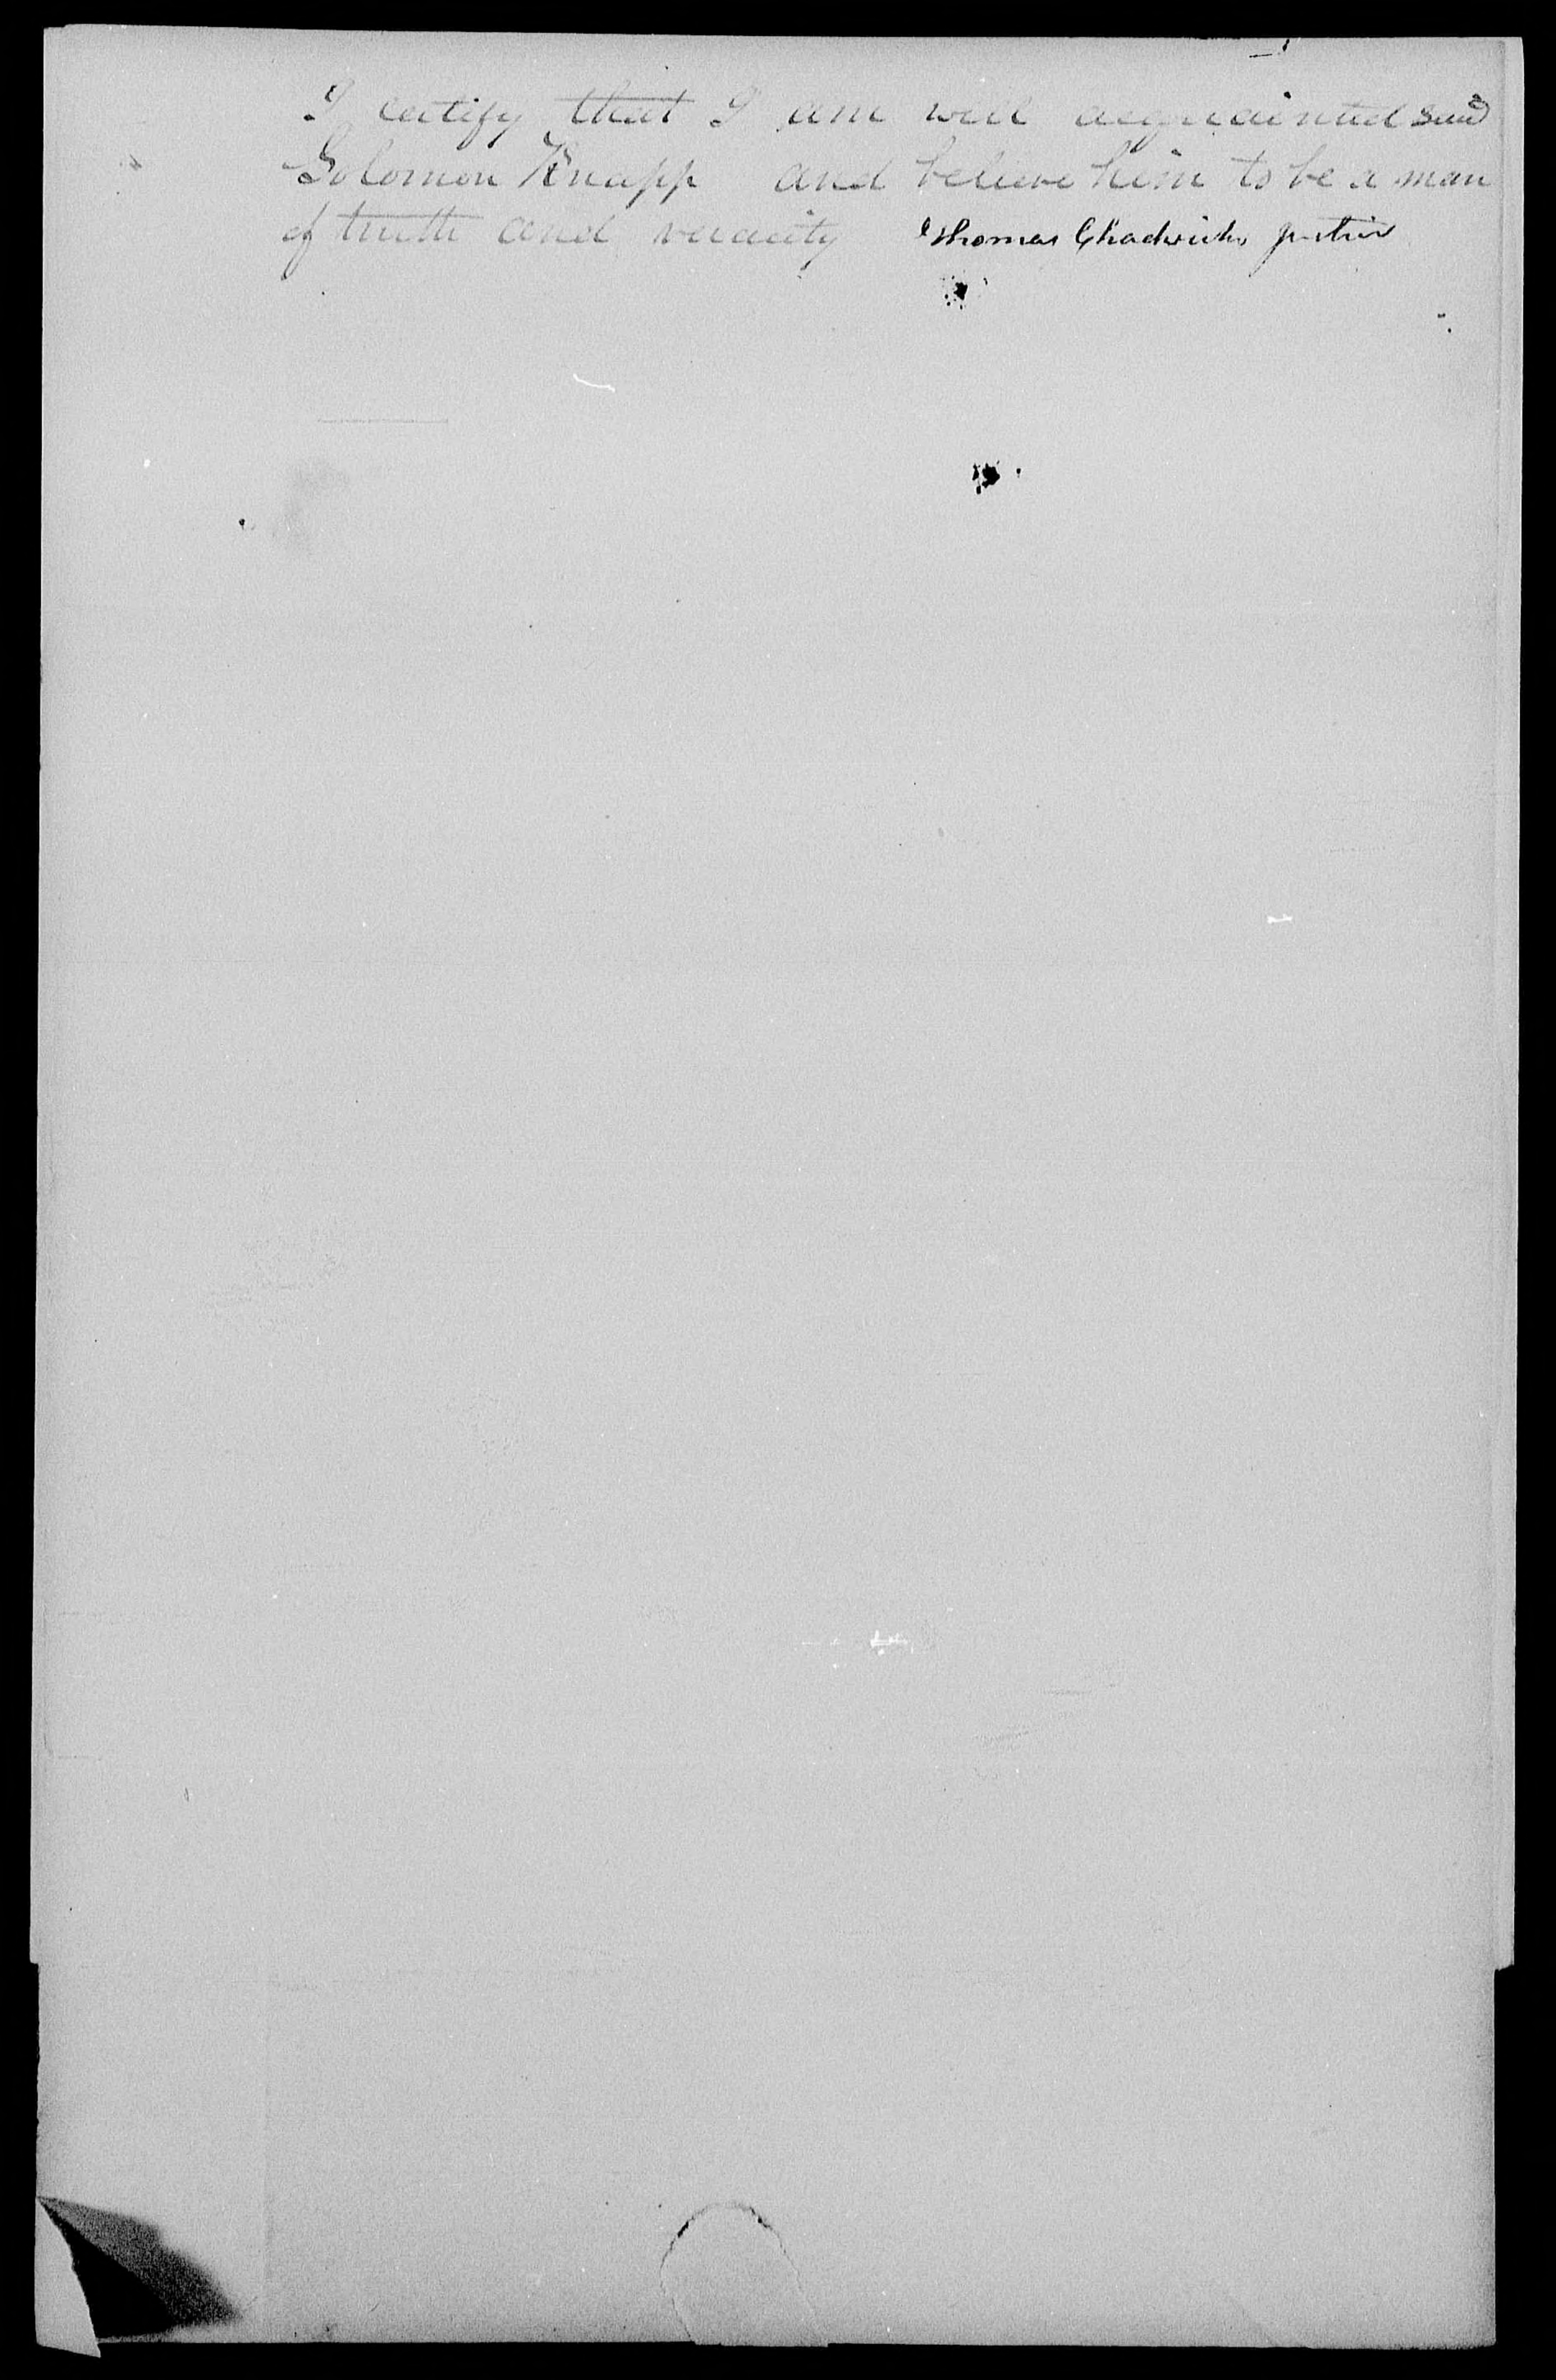I certify that I am well acquainted [illegible]
Solomon Knapp and believe him to be a man
of truth and veracity   Thomas Chadwick, [illegible]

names: Solomon Knapp, Thomas Chadwick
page: 34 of 35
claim: survivor's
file: S. 28727, Abraham Finch, Conn.